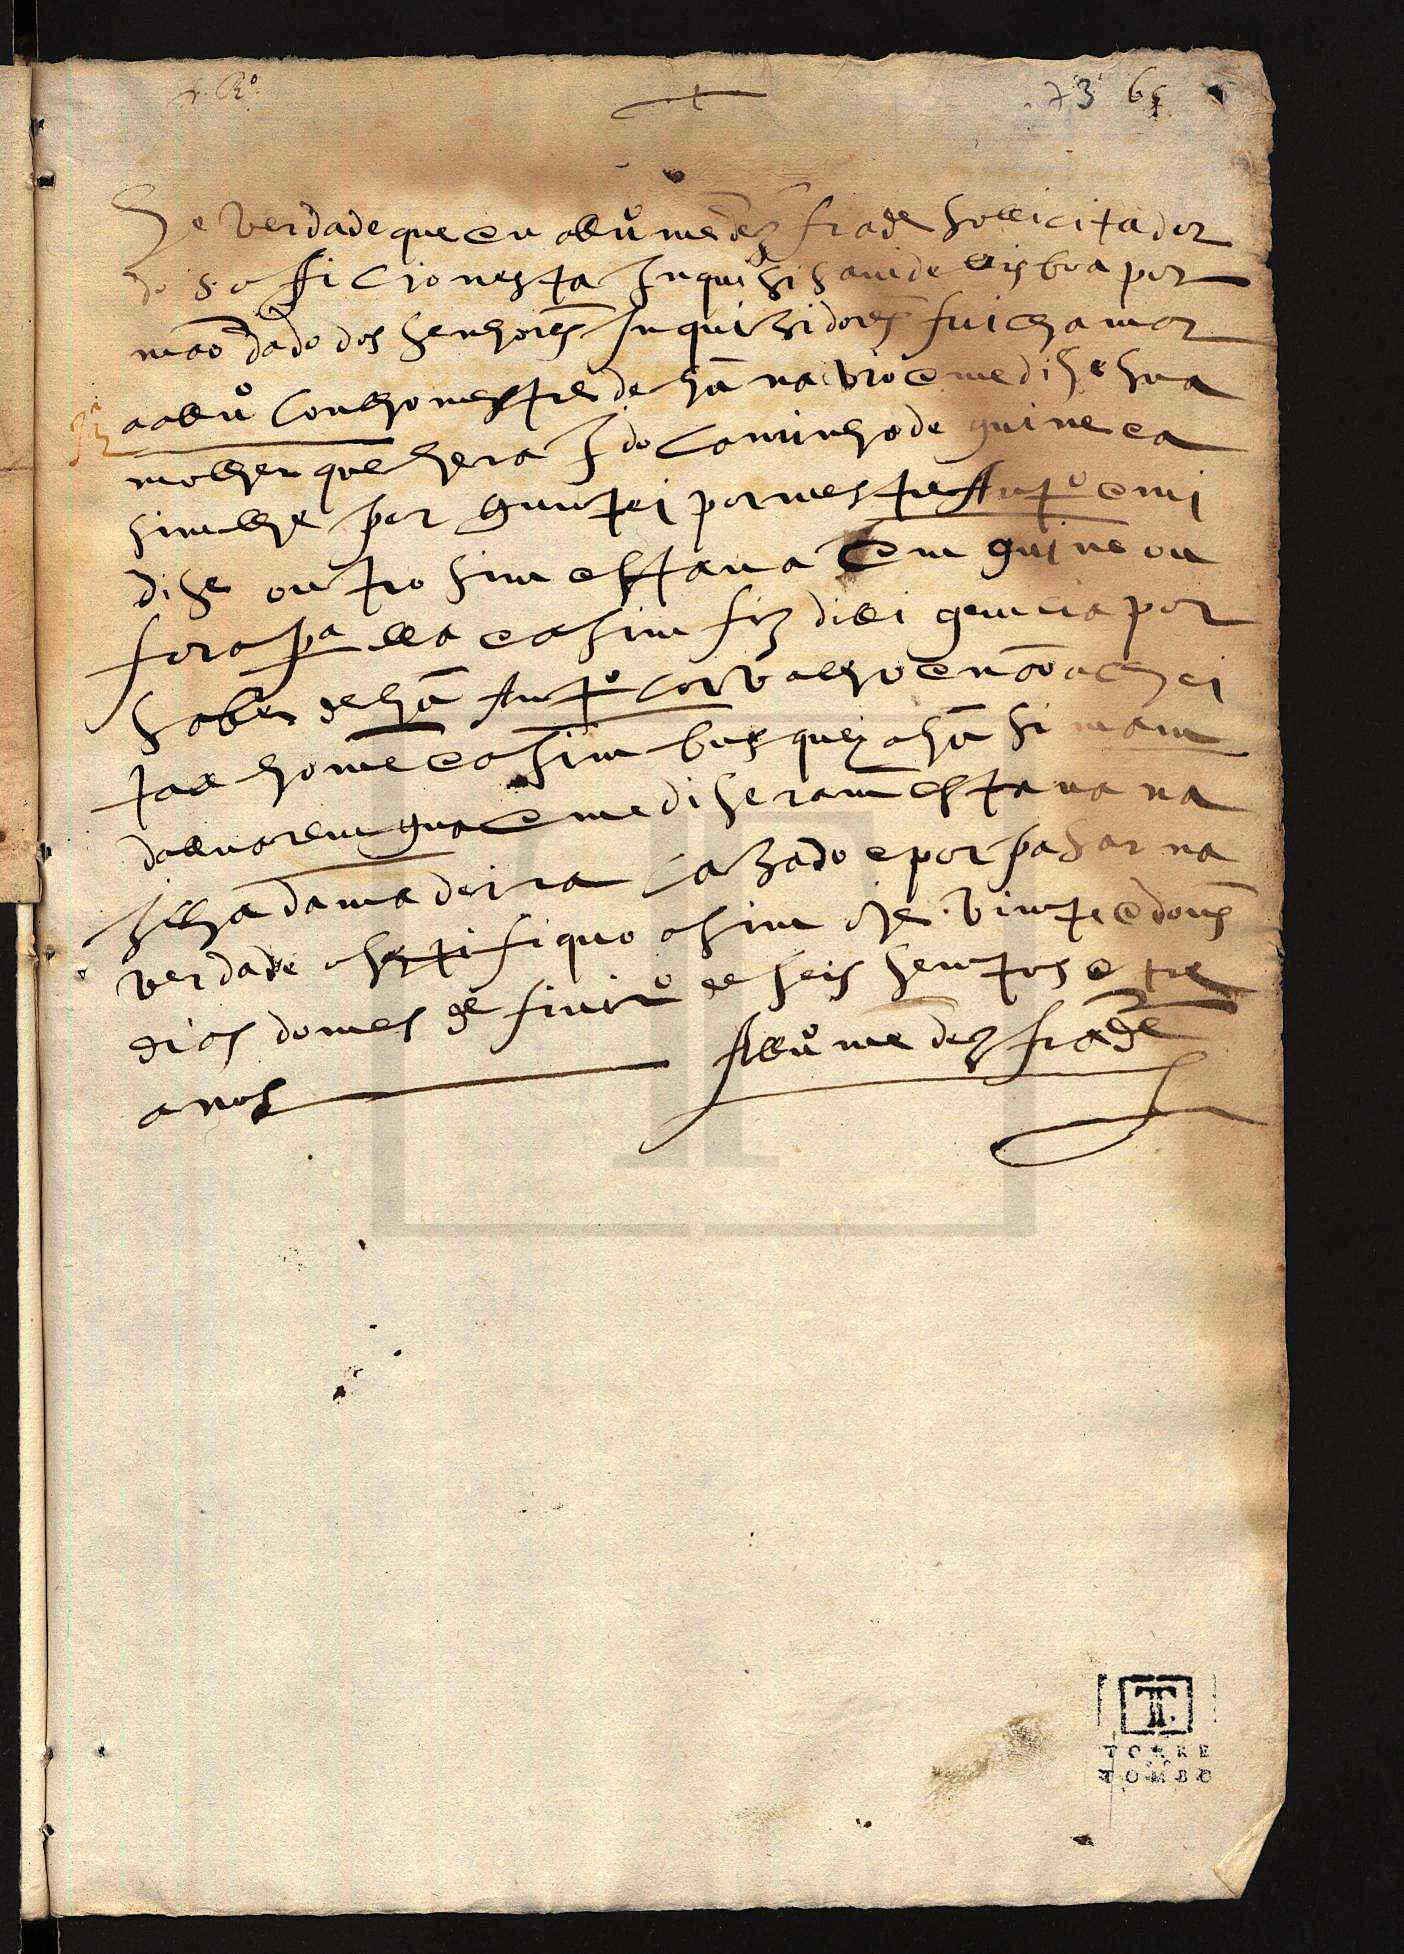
fr. Ro.
65
he verdade que eu alluo mēdez frade Sollicitador
do s. officio nesta Jnquisisam de llisboa por
mãodado dos Senhorēs Jnquizidores fui chamar
a alluo Coulho mestre de hū navio e me dise hua
molher que hera Jdo Caminho de guine e a
sim lhe perguntej por mestre Anto e mj
dise outrosim estaua em guine ou
fora ꝑa lla e asim fiz dilligemcia por
saber de hū Anto carvalho e não achej
tall homē e asim busquej a hū simam
dalluaremgua e me diseram estaua na
Jlha da madeira cazado e por pasar na
verdade o sertifiquo asim oje vimte e dous
dias do mes de fiuiro de seissentos e tre
anos
Alluo mēdez frade
